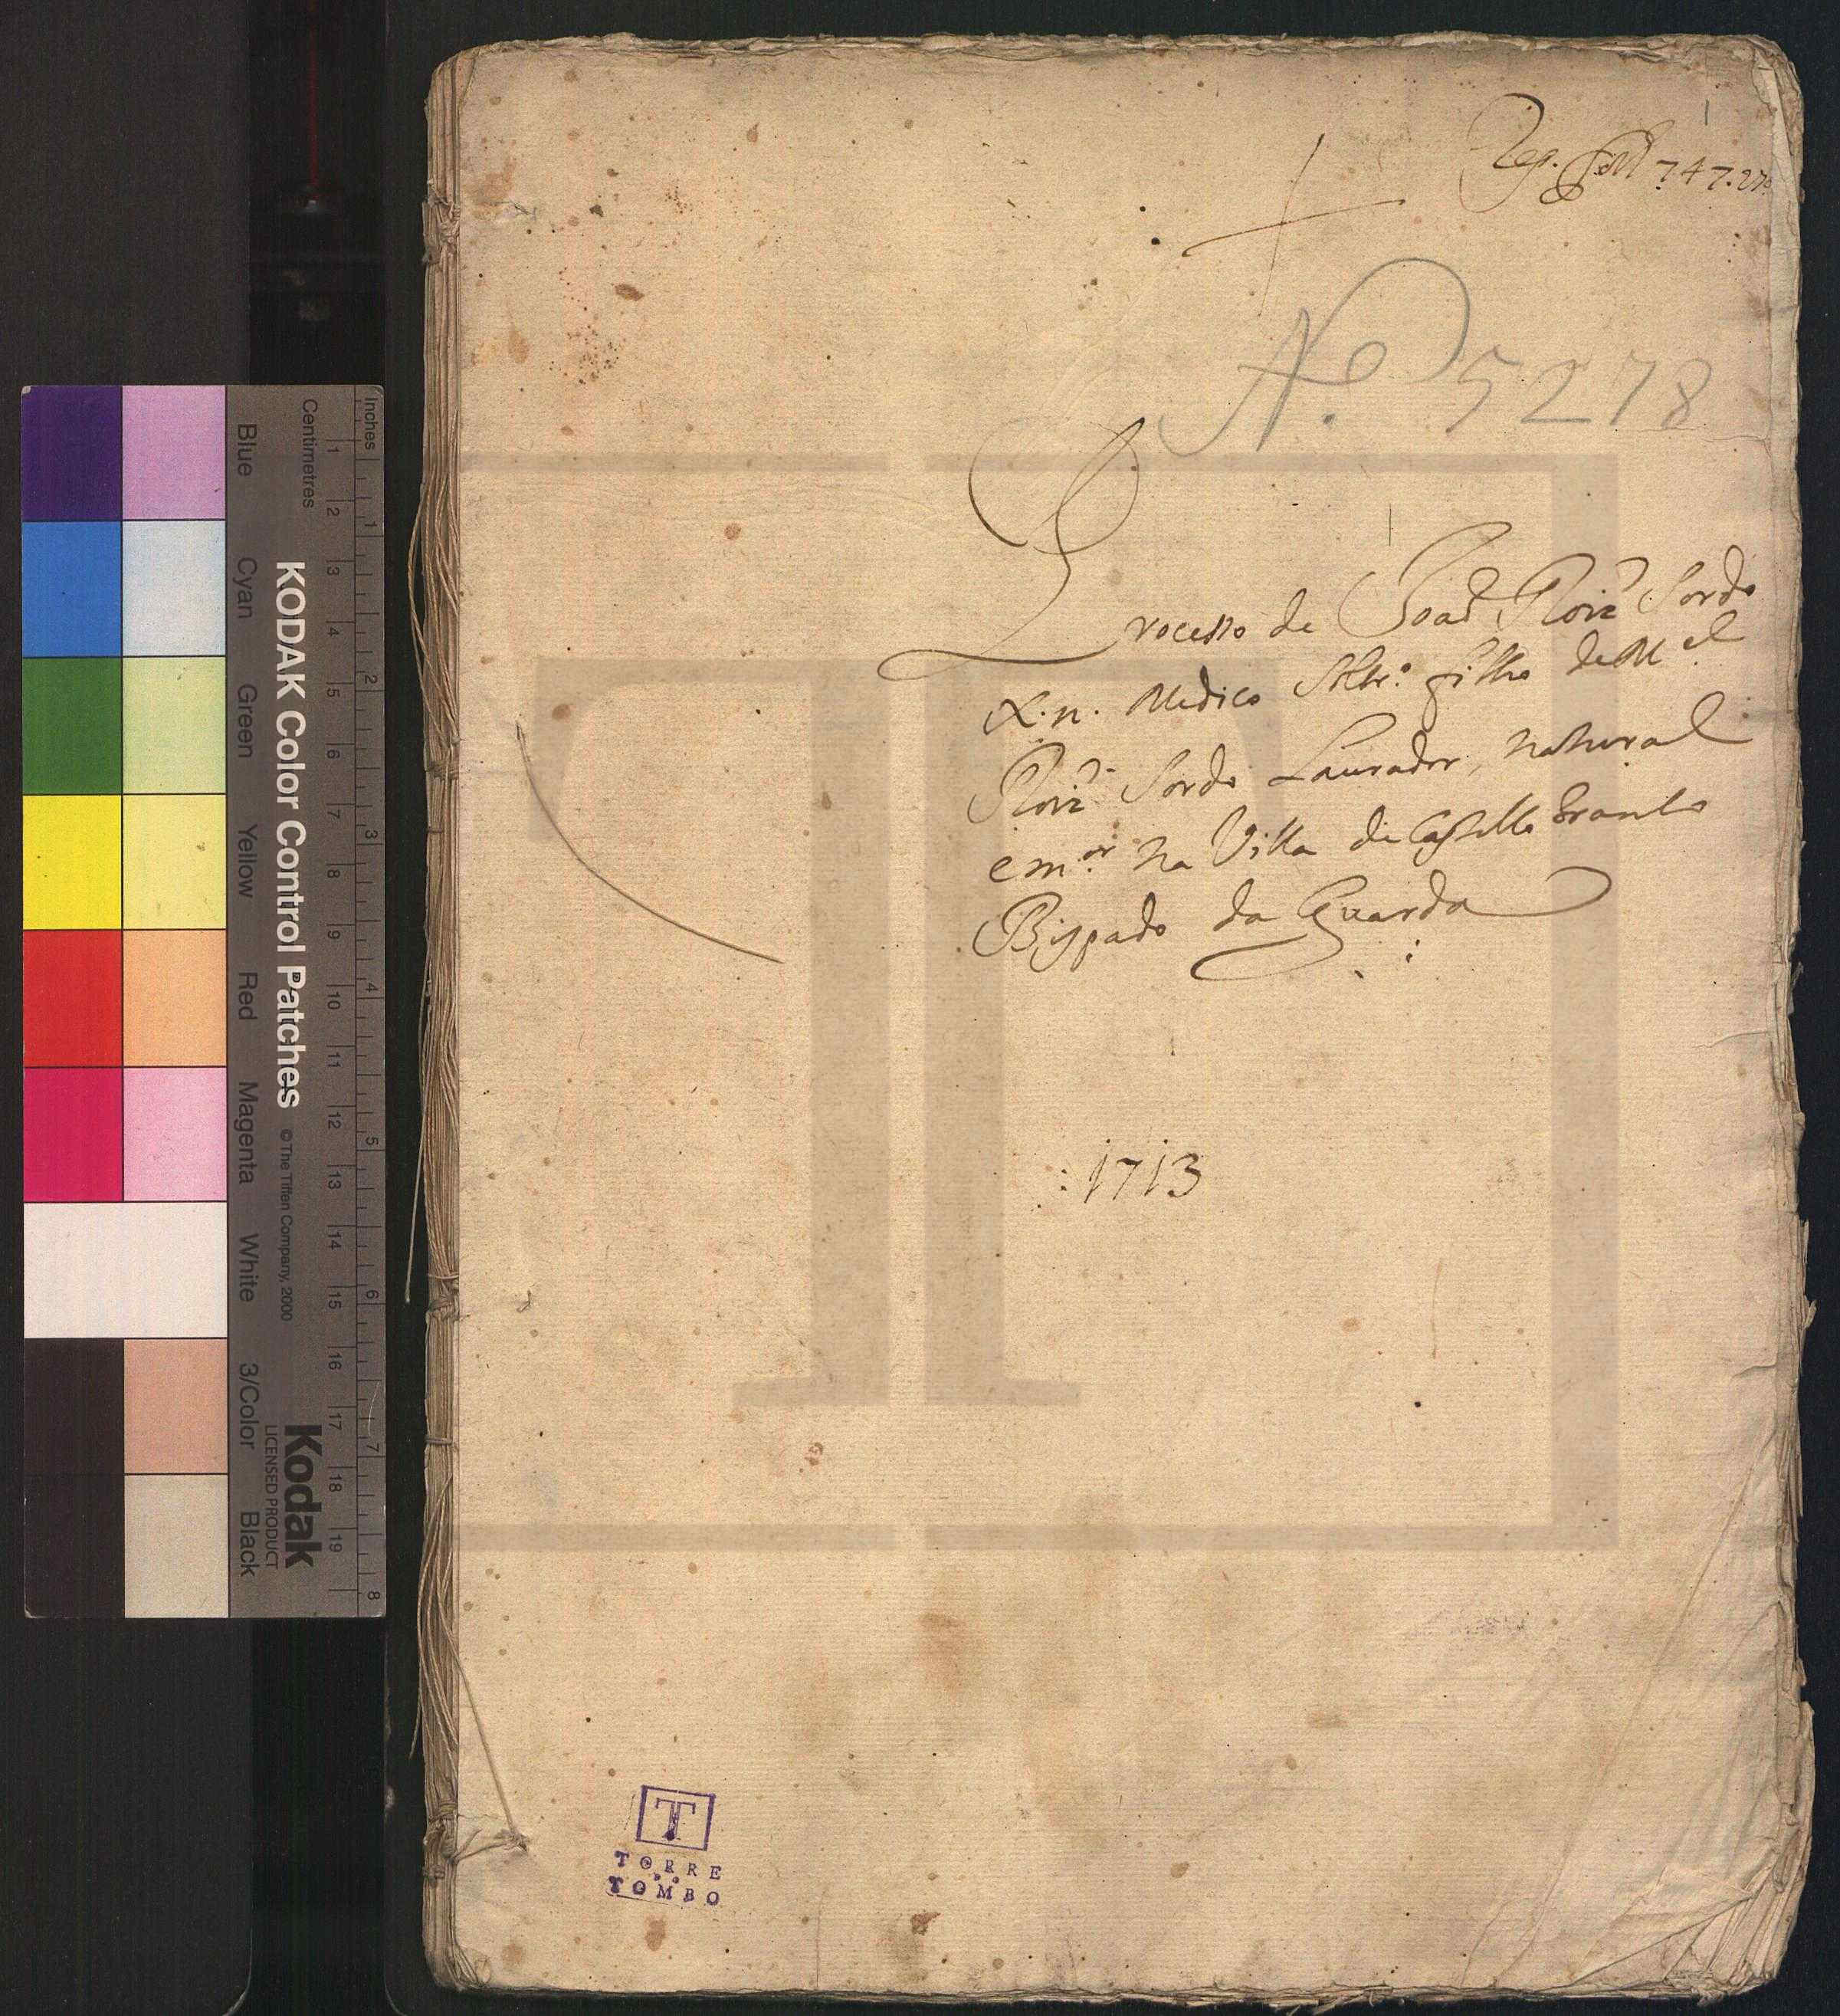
Rep. folh 747. Vs.o
Processo de Ioaõ Roiz̄ Sordo
x. n. Medico soltr.o filho de M.el
Roiz̄ Sordo Laurador, natural
e m.or na Villa de castello branco
Bispado da Guarda
i7i3
